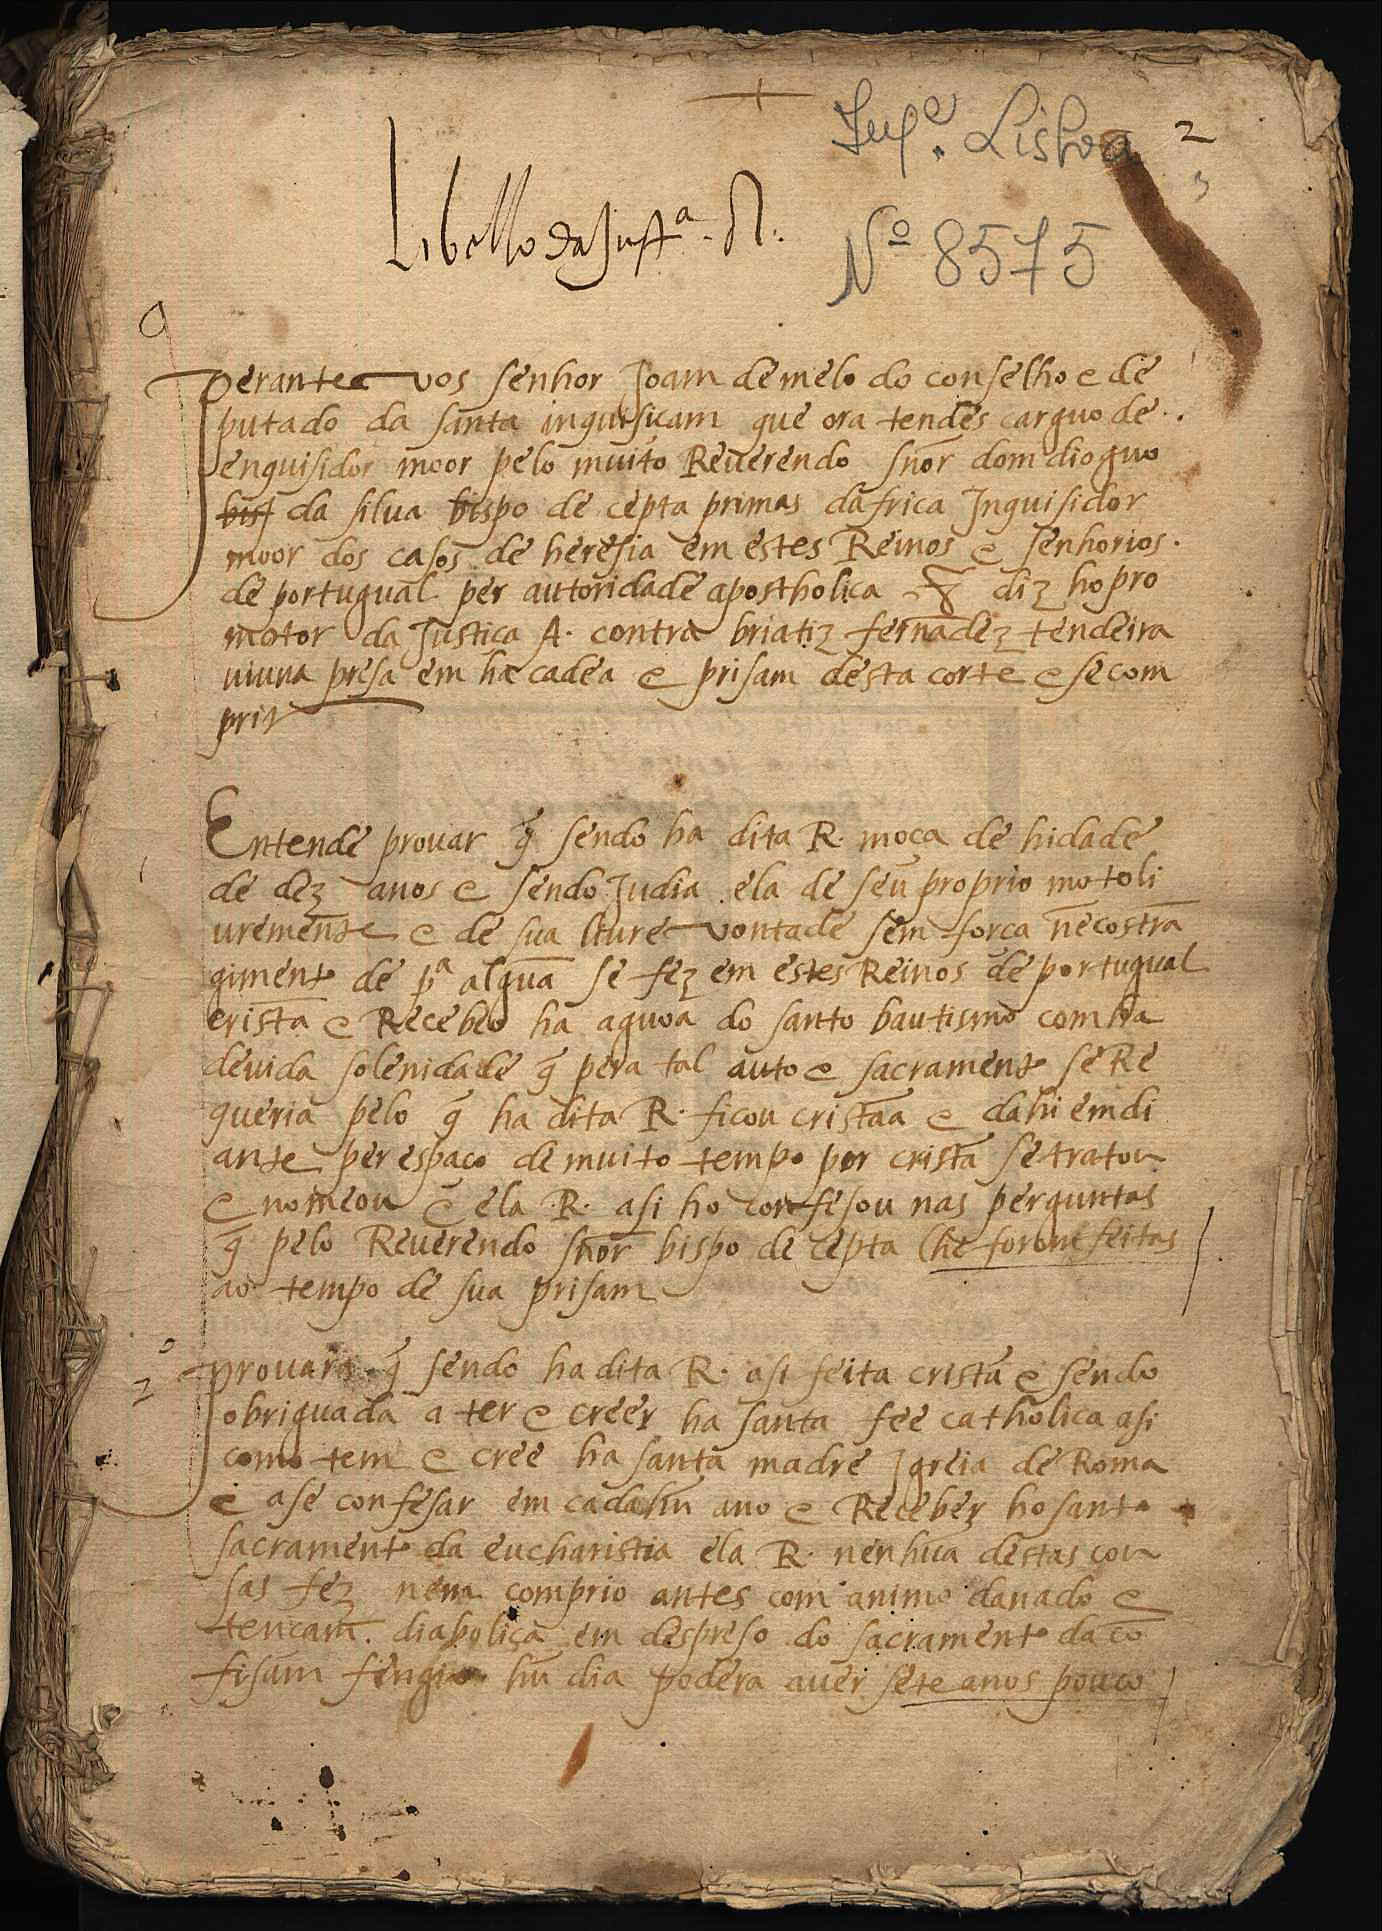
Libello da Justa. A.
Perante vos senhor Joam de melo do conselho e de
putado da santa inquisiçam que ora tendes carguo de
enquisidor moor pelo muito Reuerendo snōr dom dioguo
bisp da silua bispo de cepta primas dafrica Jnquisidor
moor dos casos de heresia em estes Reinos e senhorios
de portugual per autoridade apostholica c̄ꝭ diz ho pro
motor da Justiça A. contra briatiz fern̄adez tendeira
uiuua presa em ha cadea e prisam desta corte e se com
prir
Entende prouar q̄ sendo ha dita R. moça de hidade
de dez anos e sendo Judia ela de seu proprio moto li
uremente e de sua liure vontade sem força n̄e cost̄ra
gimento de pa algūa se fez em estes Reinos de portugual
cris̄ta e Recebeo ha aguoa do santo bautismo com ha
deuida solenidade q̄ pera tal auto e sacramento se Re
queria pelo q̄ ha dita R. ficou cristāa e dahi em di
ante per espaço de muito tempo por cristā se tratou
e nomeou e ela .R. asi ho confesou nas perguntas
q̄ pelo Reuerendo snōr bispo de cepta lhe forom feitas
ao tempo de sua prisam
Prouara q̄ sendo ha dita R. asi feita cristā e sendo
obriguada a ter e creer ha santa fee catholica asi
como tem e cree ha santa madre Jgreia de Roma
e a se confesar em cada hū ano e Receber ho santo
sacramento da eucharistia ela R. nenhūa destas cou
sas fez nem comprio antes com animo danado e
tençam diabolica em despreso do sacramento da c̄o
fisam fengio hū dia podera auer sete anos pouco
